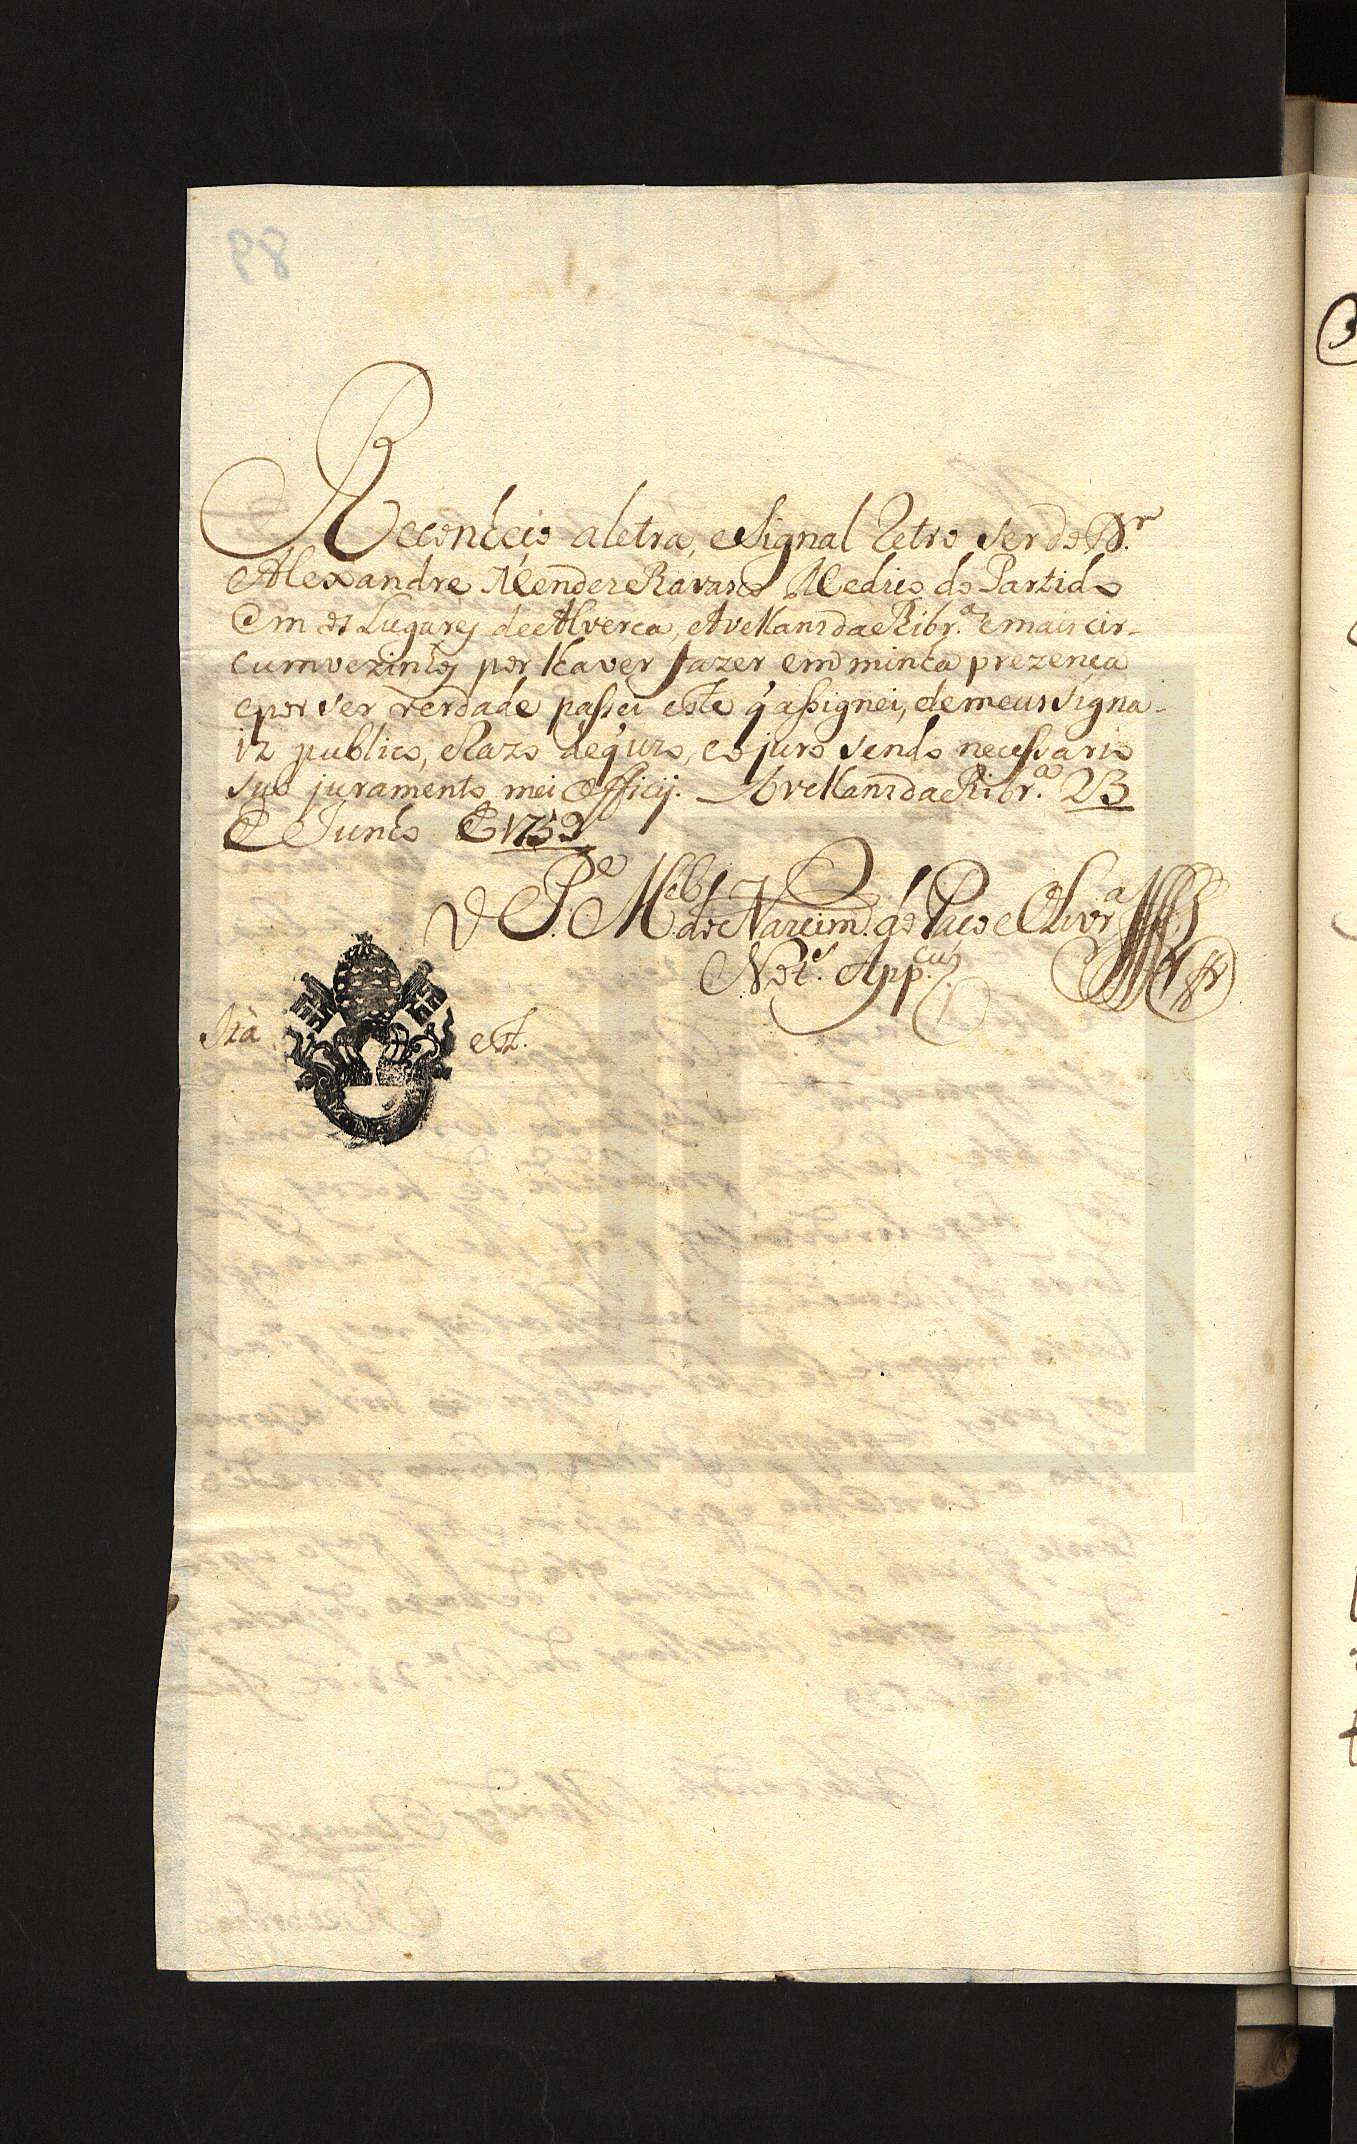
Reconheço a letra, e Signal Retro ser do D.r
Alexandre Mendez Ravasco Medico do Partido
Em os Lugares de Alverca, Avellans da Ribr.a e mais cir
cumvezinhos por lha ver fazer em minha prezença
e por ser verdade passei este q̄ assignei, de meus signa
iz publico, e Razo de q̄ uzo, e o juro sendo necessario
sub juramento mei Officis. Avellans da Ribr.a 23
E Iunho d̄ 1759
O P.e M.el do Nascim.to do Paço e Olivra
Not.s App.cus
Ità
est.
